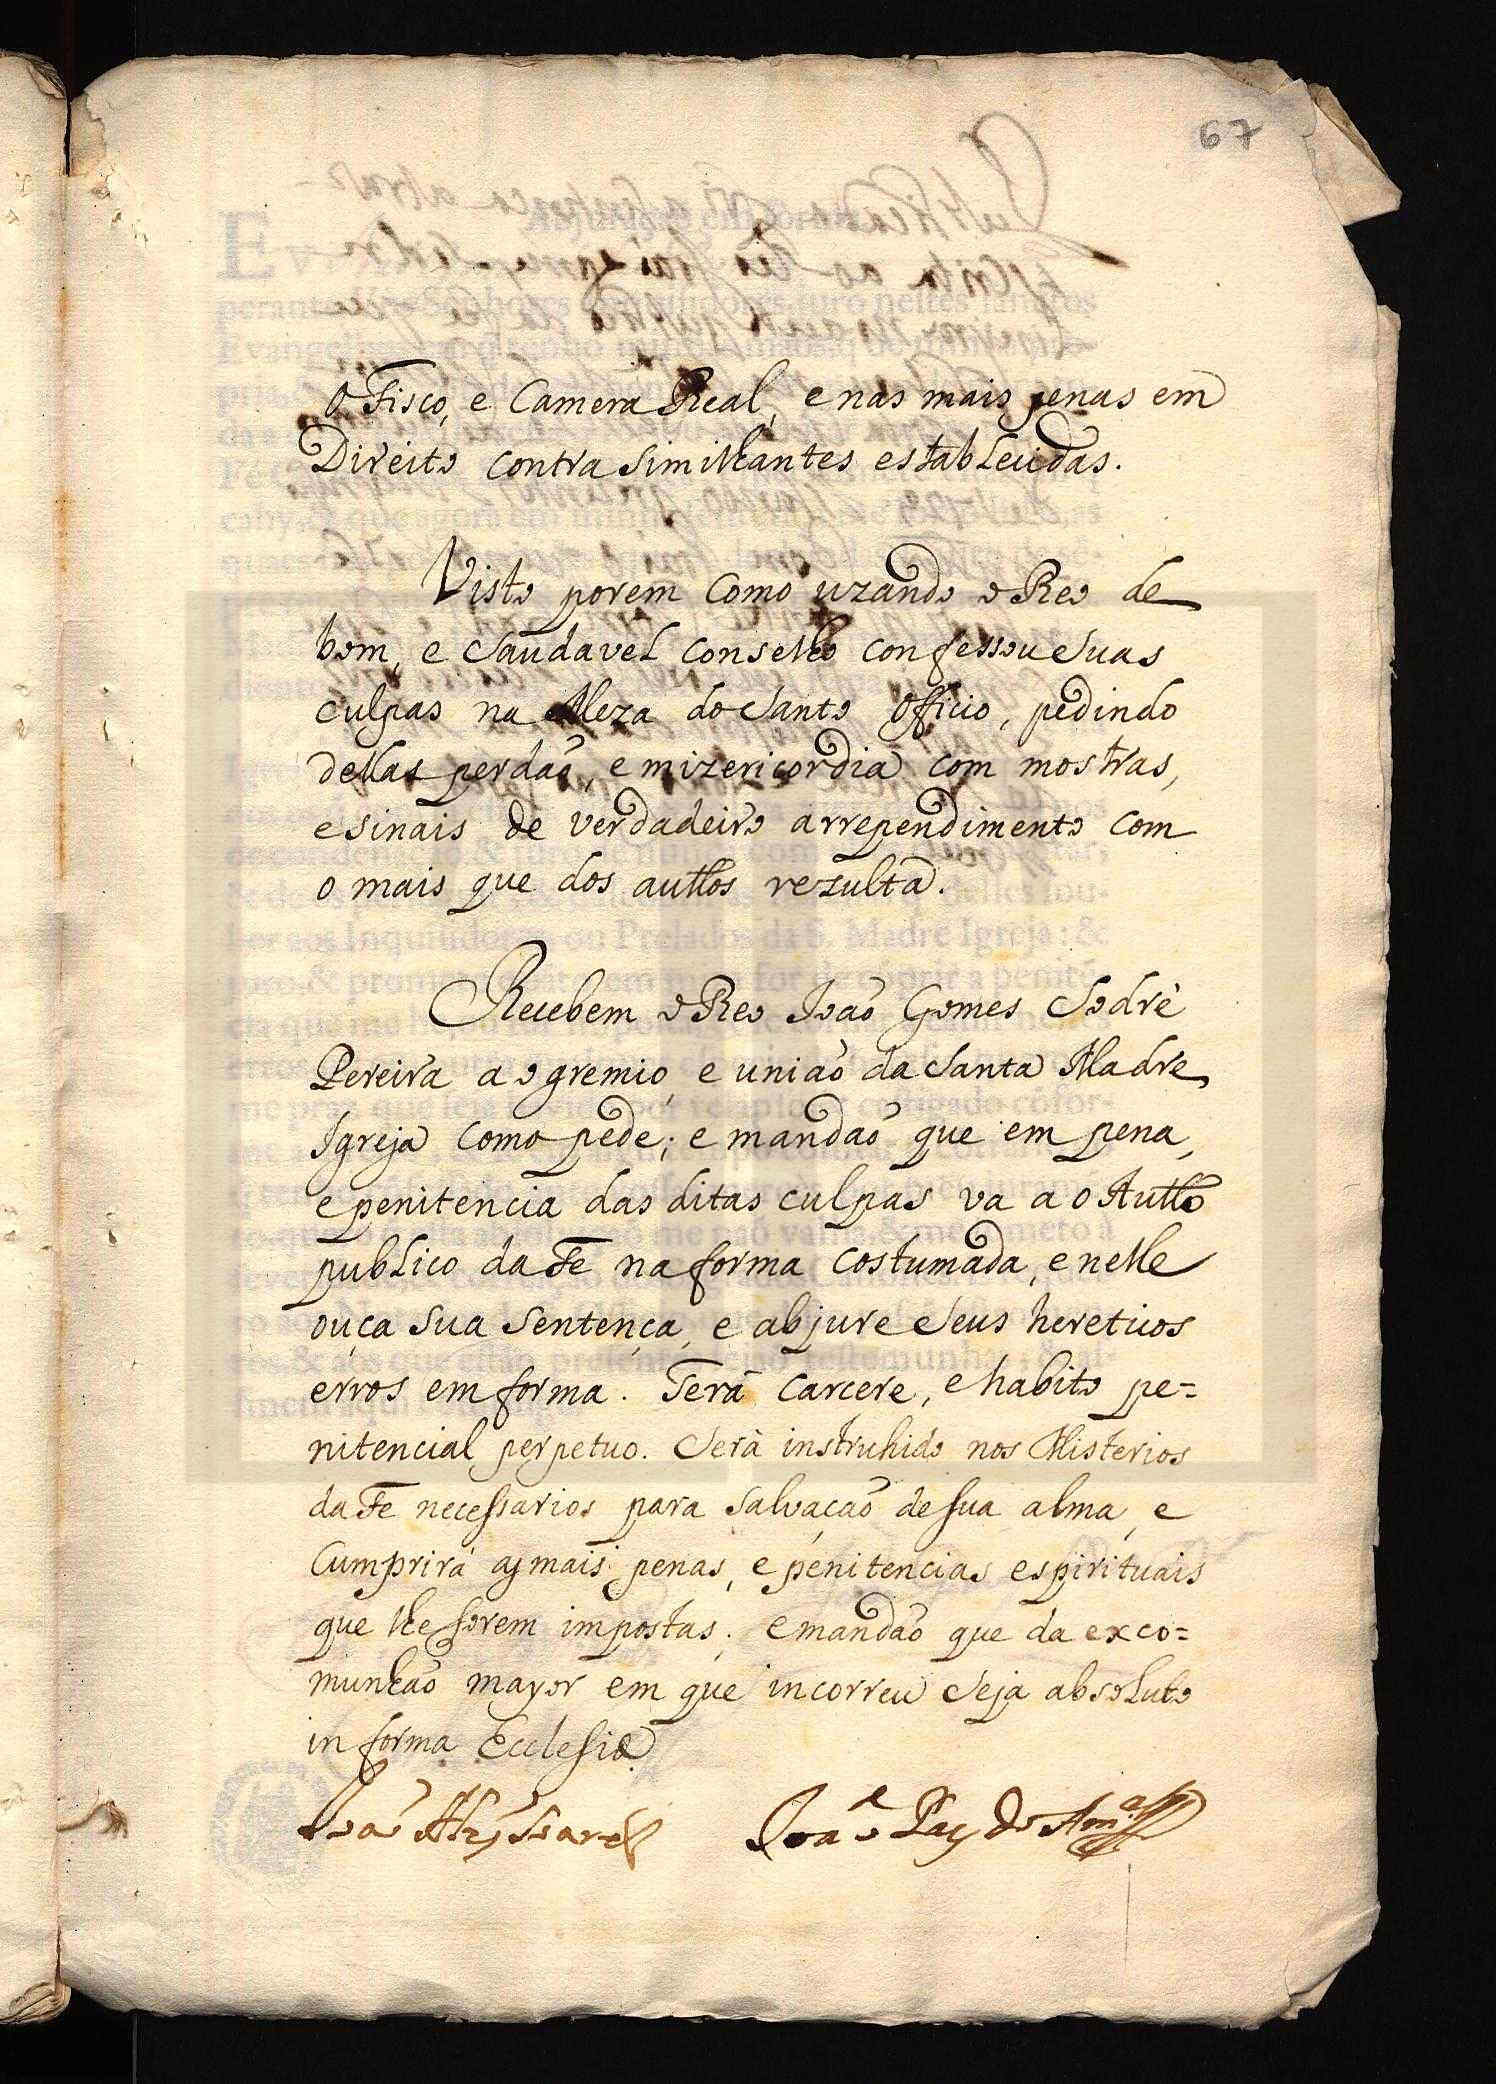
o Fisco, e Camera Real, e nas mais penas em
Direito contra similhantes establecidas.
Visto porem como uzando o Reo de
bom, e Saudavel conselho confessou Suas
culpas na Meza do Santo officio, pedindo
dellas perdaõ, e mizericordia com mostras,
e sinais de verdadeiro arrependimento com
o mais que dos auttos rezulta.
Recebem o Reo Ioaõ Gomez Sodré
Pereira ao gremio, e união da Santa Madre
Igreja como pede; e mandaõ que em pena,
e penitencia das ditas culpas va ao Autto
publico da Fe na forma costumada, e nelle
ouça sua sentença, e abjure seus hereticos
erros em forma. Terá carcere, e habito pe
nitencial perpetuo. Será instruhido nos Misterios
da Fe necessarios para salvaçaõ de sua alma, e
Cumprirá as mais penas, e penitencias espirituais
que lhe forem impostas; e mandão que da exco
munhaõ mayor em que incorreu Seja absoluto
in forma Ecclesiæ.
